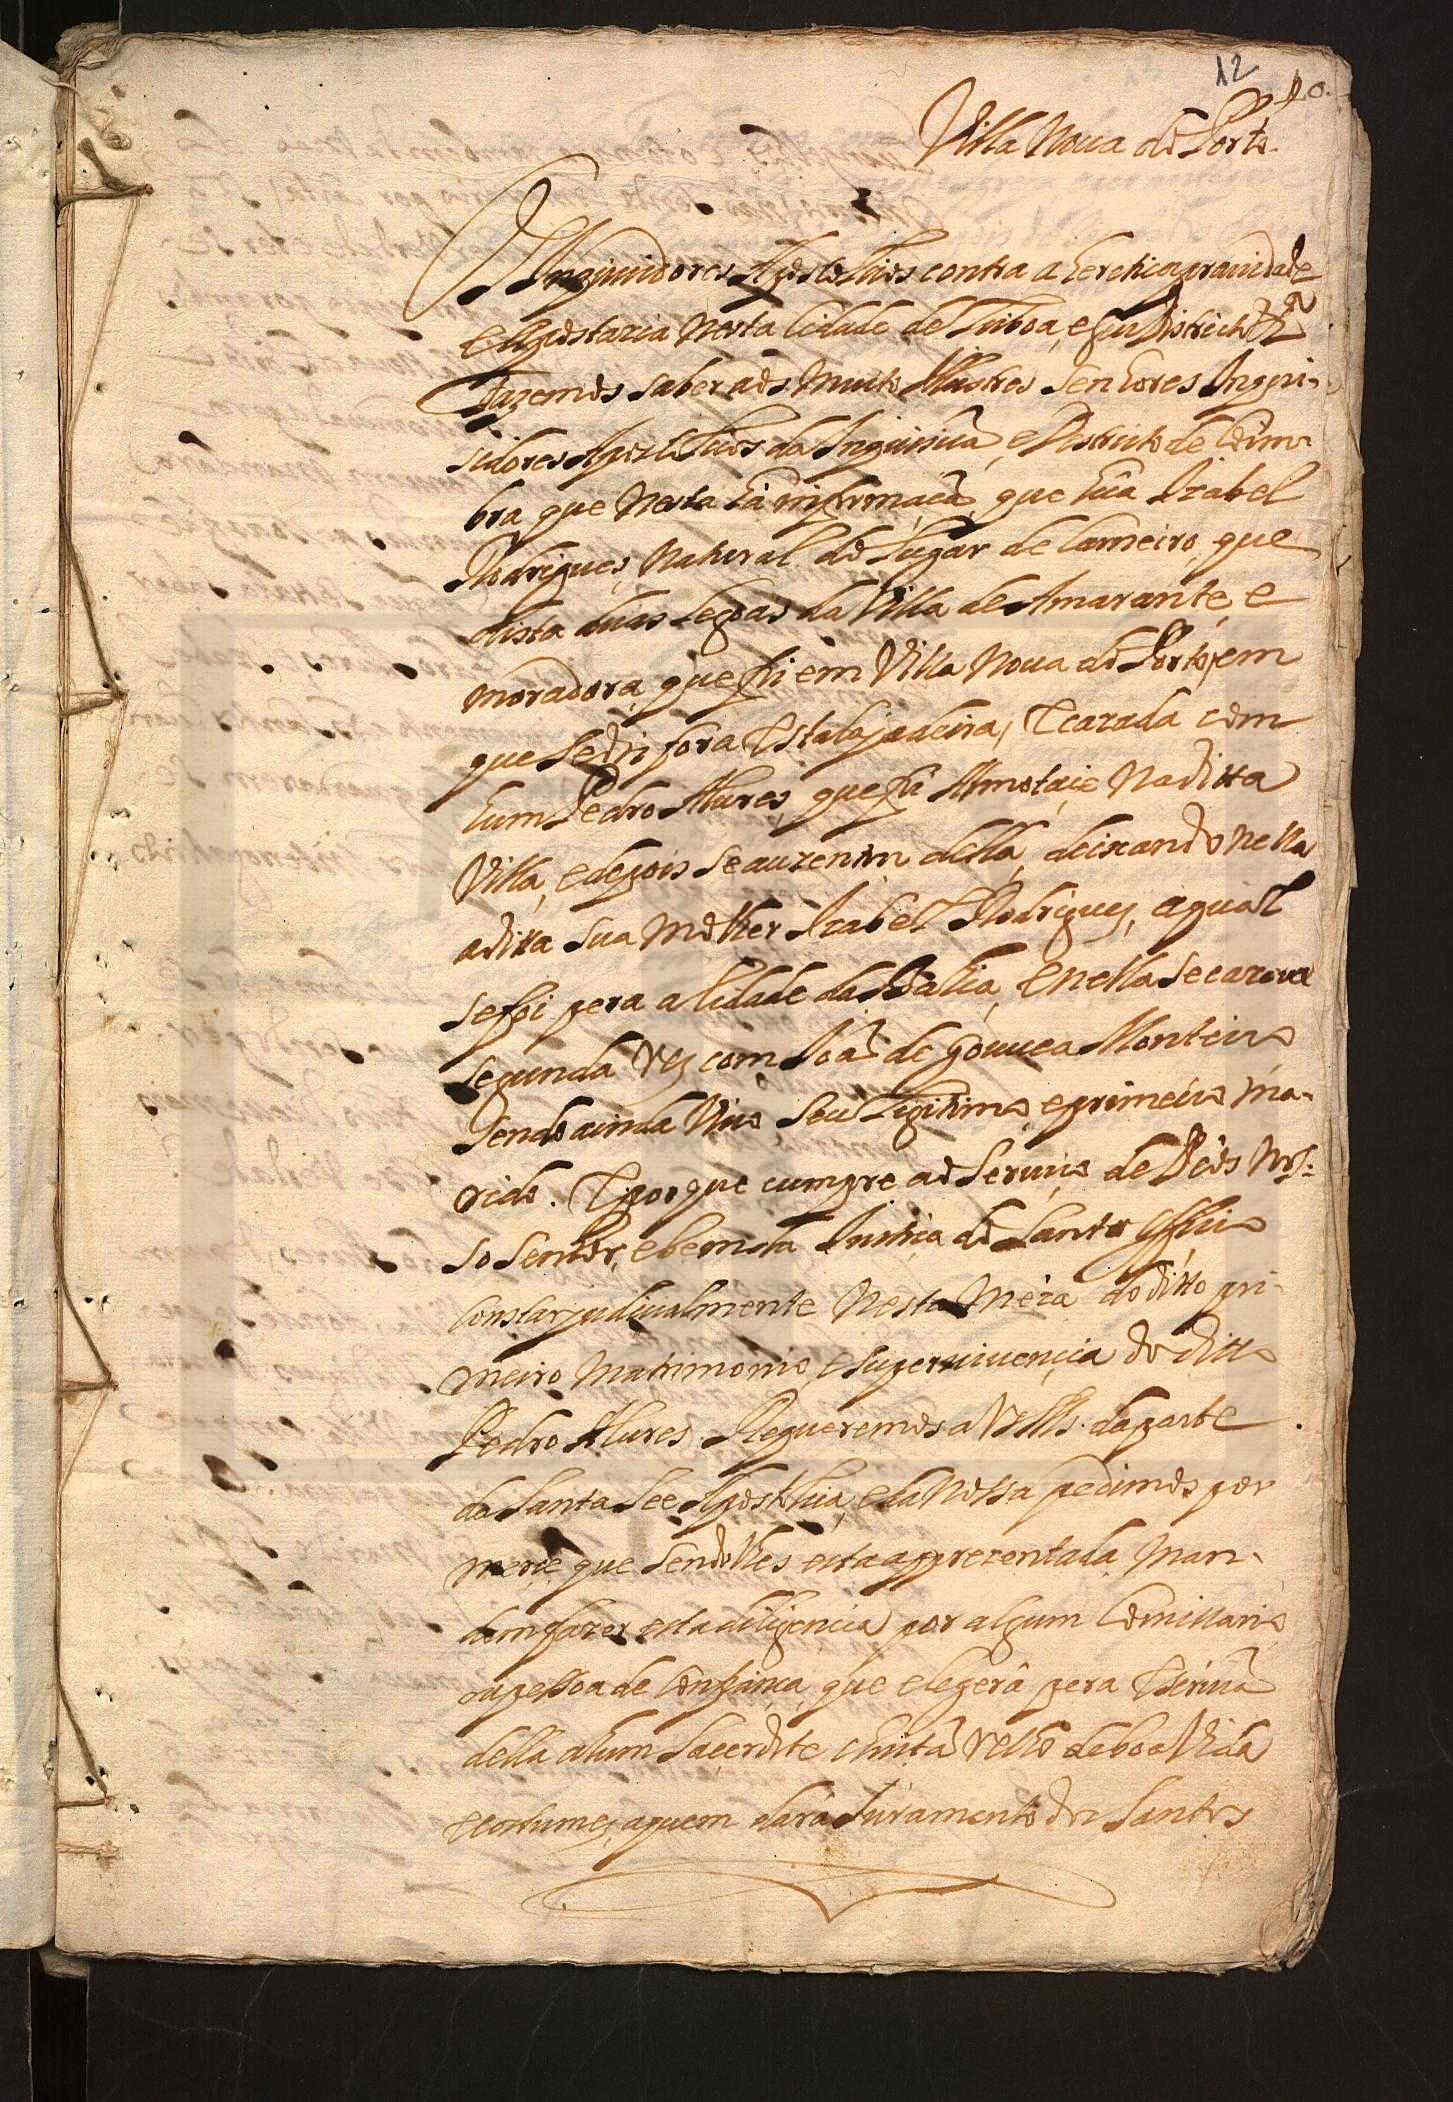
Villa Noua do Porto
Os Inquisidores Apostolicos contra a heretica prauidade
e Apostazia nesta Cidade de Lisboa, e seu districto &a
Fazemos saber aos muito Illustres Senhores Inqui
sidores Apostolicos da Inquisicaõ, e Destricto de Coim
bra que nesta há informação que hūa Izabel
Rodrigues natural do Lugar de Cameiro, que
dista duas legoas da Villa de Amarante, e
moradora que foi em Villa noua do Porto, em
que se dis fora Estalajadeira, e cazada com
hum Pedro Alures, que foi Almotaçe na ditta
Villa, e depois se auzentou della, deixando nella
a ditta sua molher Izabel Rodrigues, a qual
se foi pera a Cidade da Bahia, e nella se cazou
segunda vez com Ioaõ de gouuea Monteiro,
sendo ainda viuo seu Legitimo, e primeiro ma
rido. E porque cumpre ao Seruiço de Deos nos
so Senhor, e bem da Iustiça do Santo Offiçio
Constar judicialmente nesta meza do ditto pri
meiro Matrimonio, e superuiuençia do ditto
Pedro Alures Requeremos a Vs Ills. da parte
da Santa see apostolica, e da nossa pedimos por
merçe que sendolhes esta apprezentada, man
dem fazer esta diligencia por algum Comissario
ou pessoa de confiança, que elegera pera Escriuaõ
della a hum Sacerdote christaõ velho de boa Vida
e costumes, a quem dará Iuramento dos Santos
